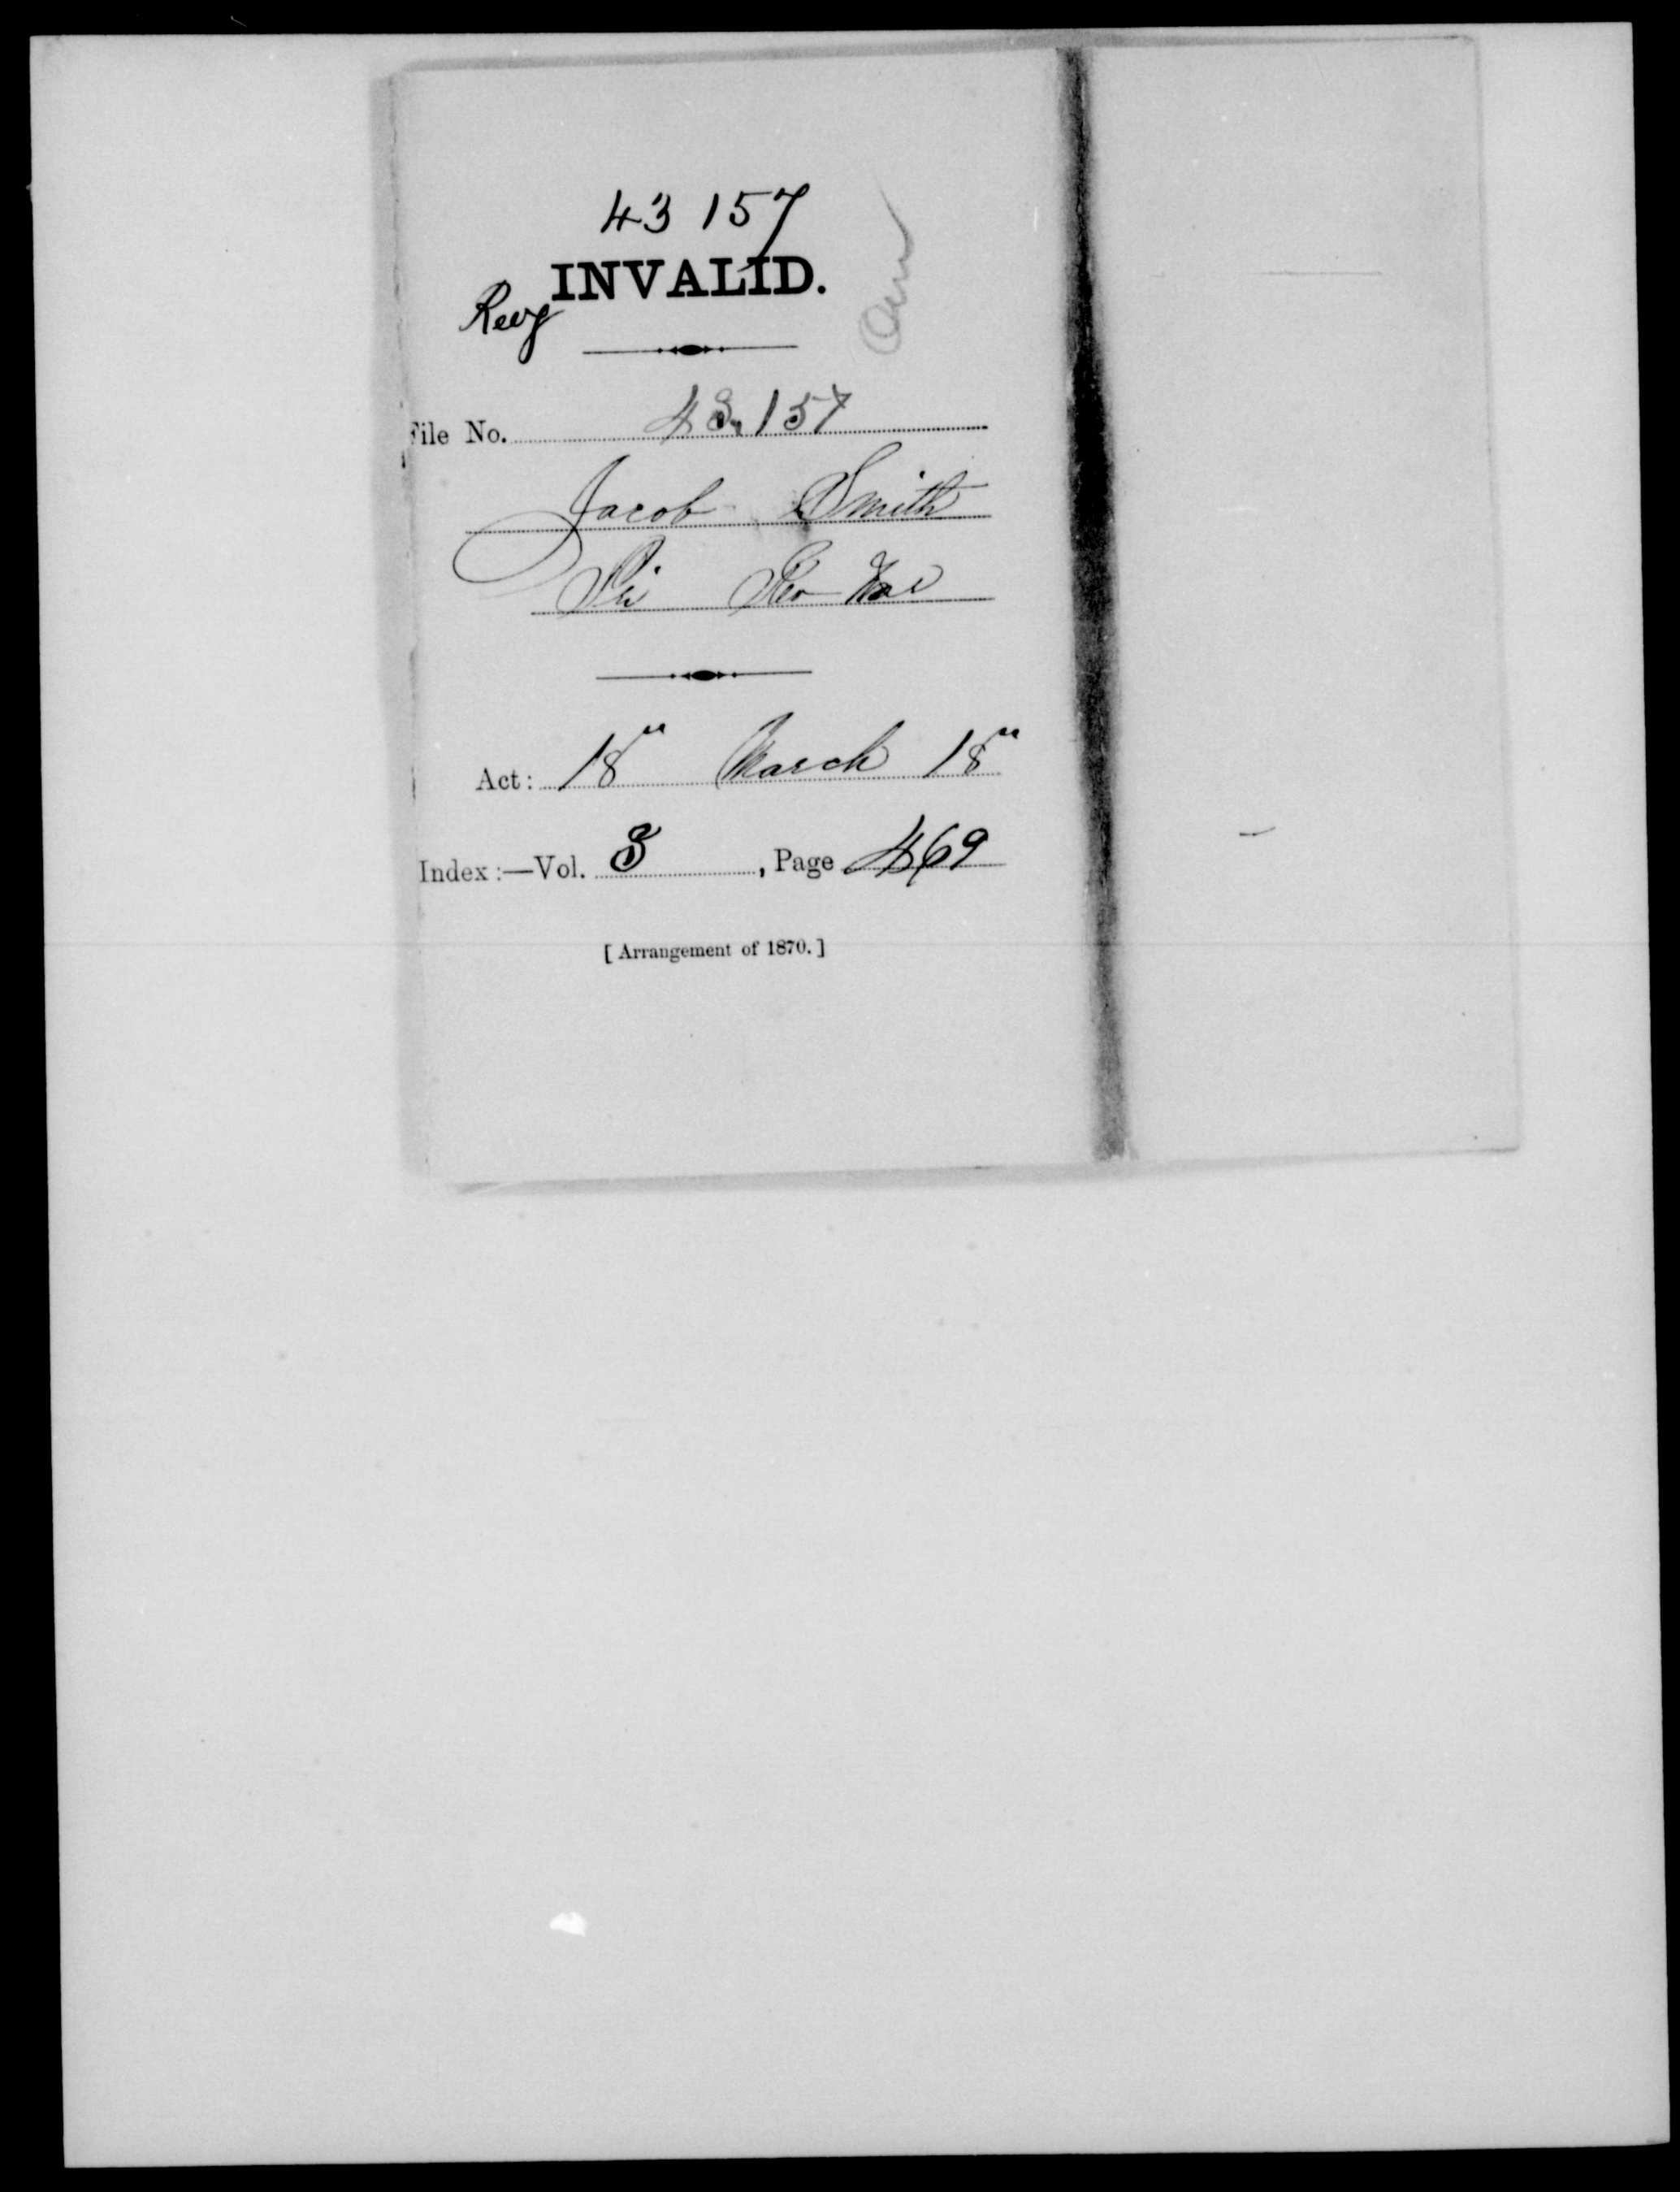42157
INVALID.
Revy [handwritten note]
[horizontal line]
File No. ... 43,157
Jacob Smith
Pri Rev War
[horizontal line]
Act: ... 18" March 18"
Index: -- Vol. ... S, Page ... 469
[Arrangement of 1870.]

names: Jacob Smith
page: 14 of 15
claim: survivor's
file: S. 43157, for Jacob Smith, Vermont